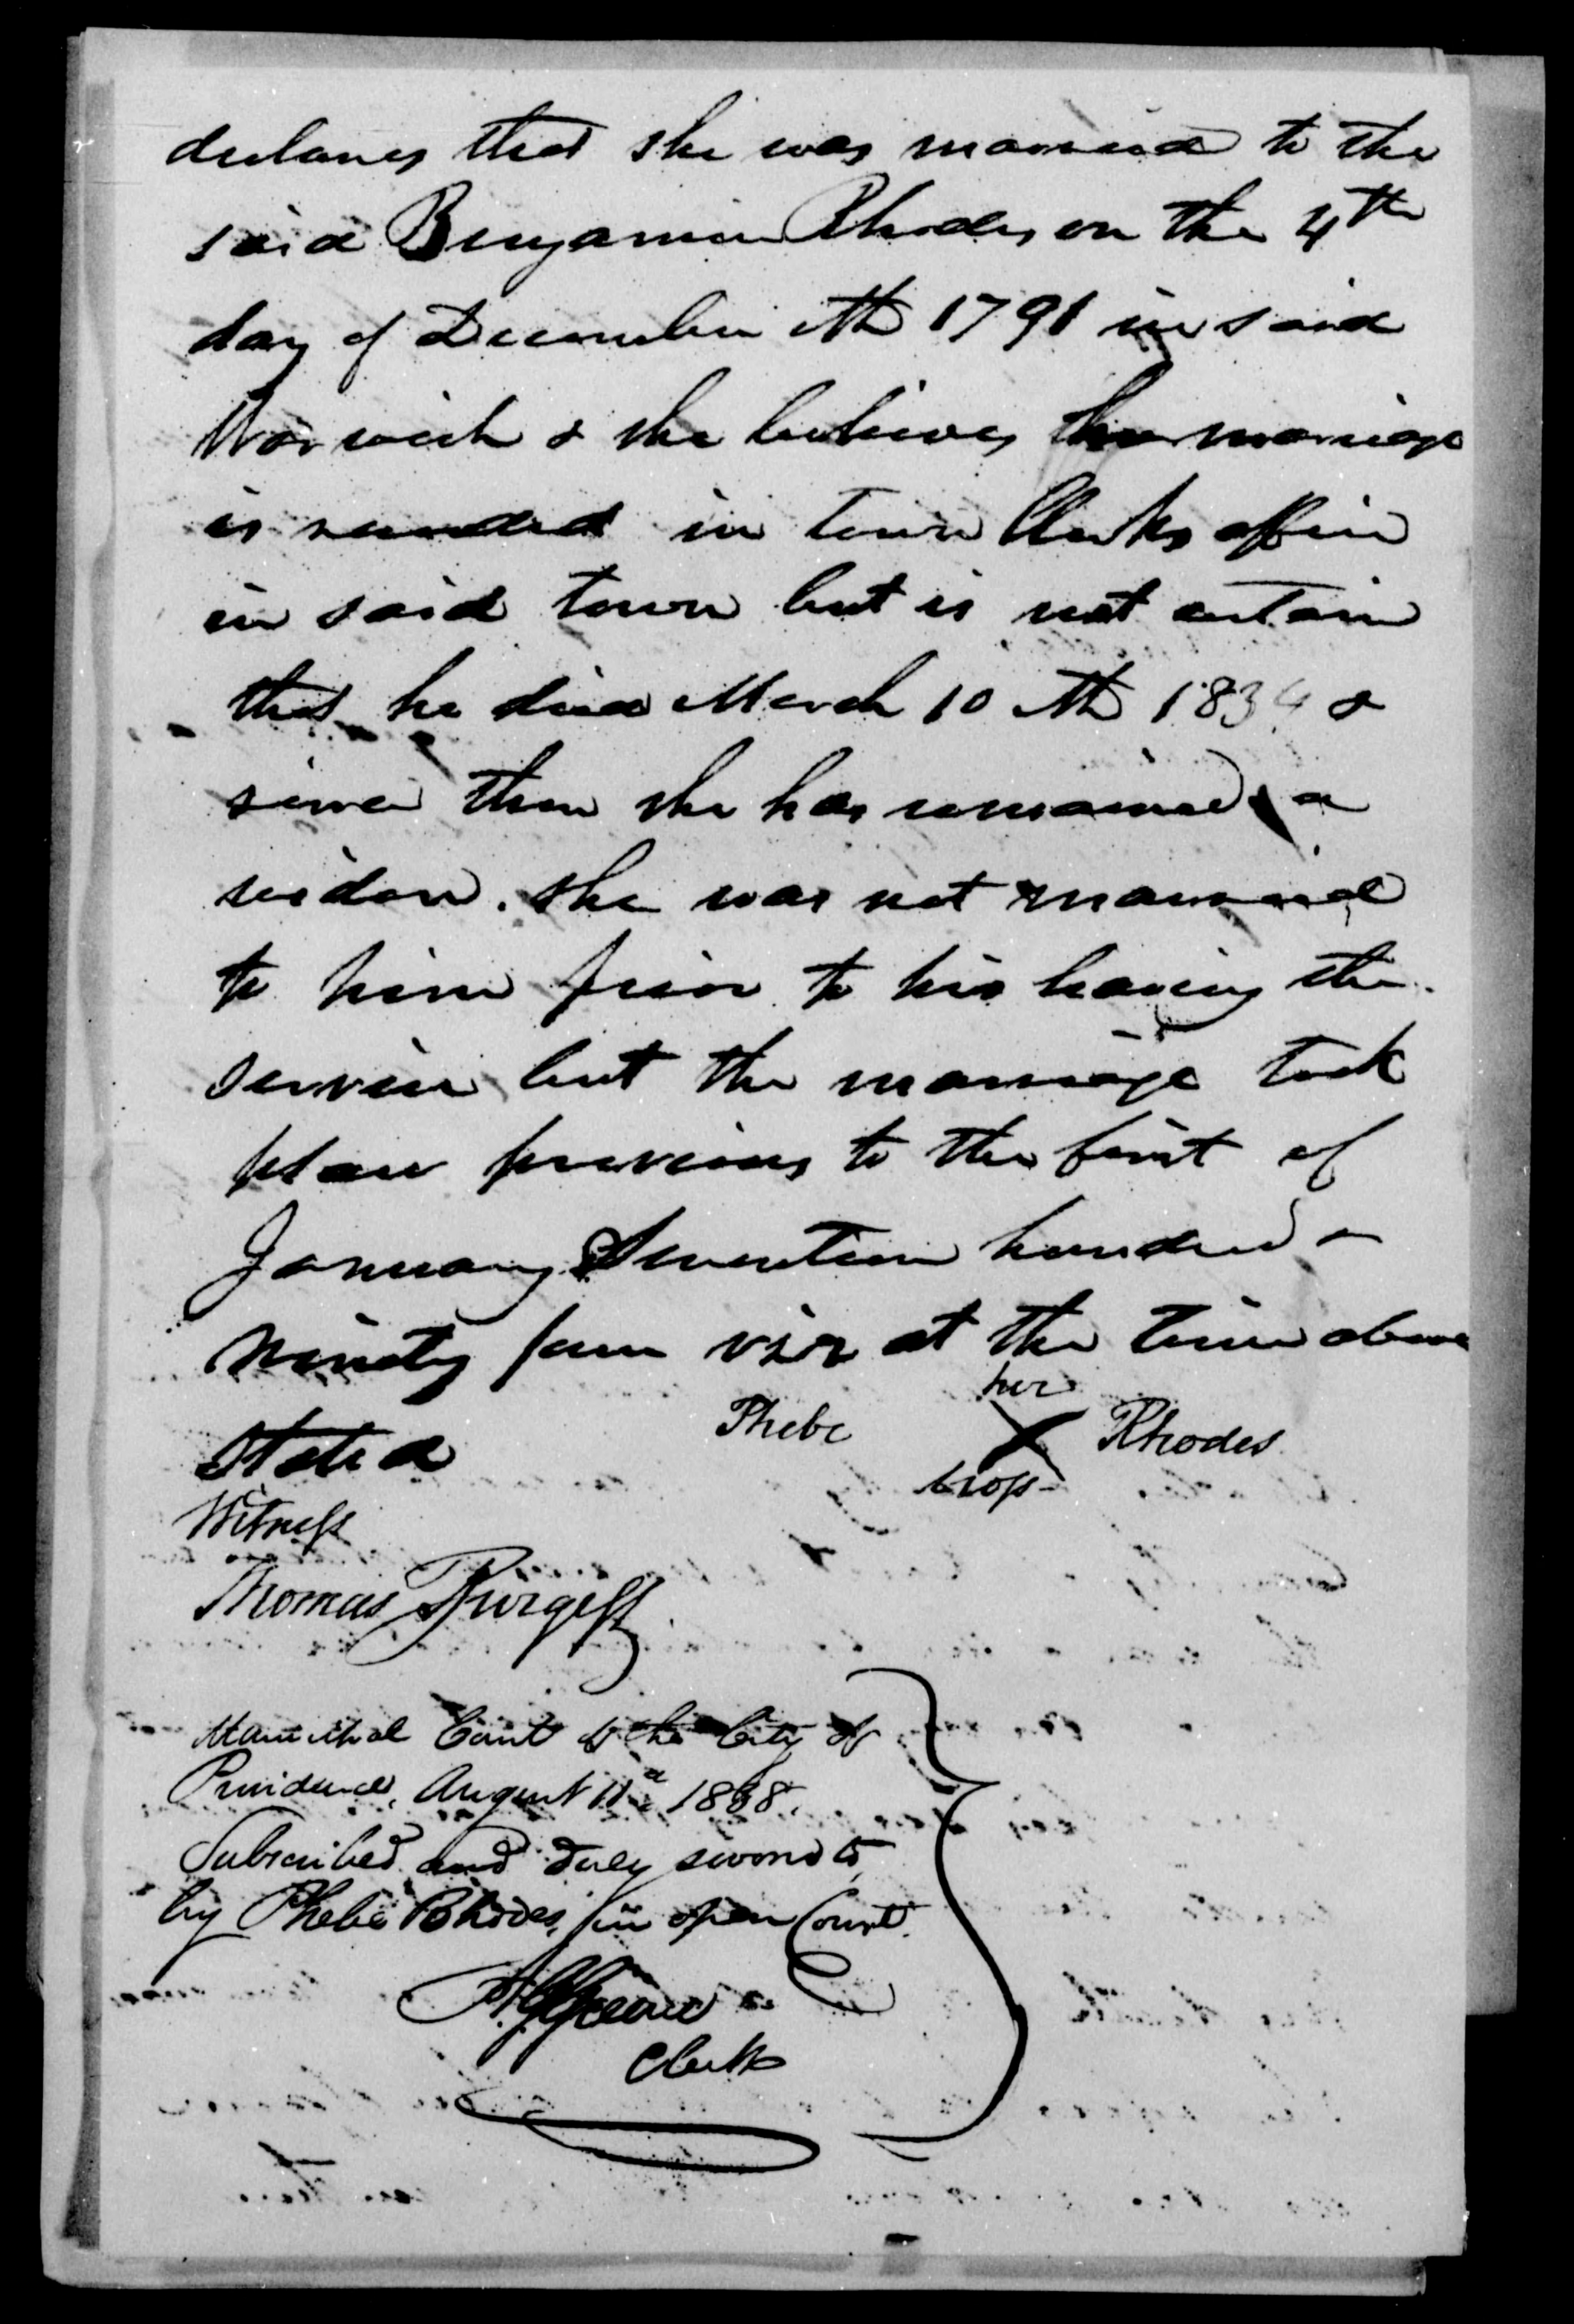declares that she was married to the said Benjamin Rhodes on the 4th day of December AD 1791 in said Warwick & she believes the marriage is recorded in Town Clerk's Office in said Town but is not certain. that he died March 10th 1834 & since then she has remained a widow. She was not married to him prior to his having the services but the marriage took place previous to the first of January seventeen hundred & ninety four viz a the Town above
stated Phebe X Rhodes
                    her mark
Witness
Thomas Rwigeft
[illegible] Court of the City of 
Providence August 11 1868
Subscribed and duly sworn to 
by Phebe Rhodes in open Court
A G. Spears
Clerk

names: Thomas Rwigeft; A G Greene; Phebe Rhodes; Phebe Rhodes; Benjamin Rhodes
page: 7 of 50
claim: widow's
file: W. 22058, for Benjamin Rhodes, Rhode Island